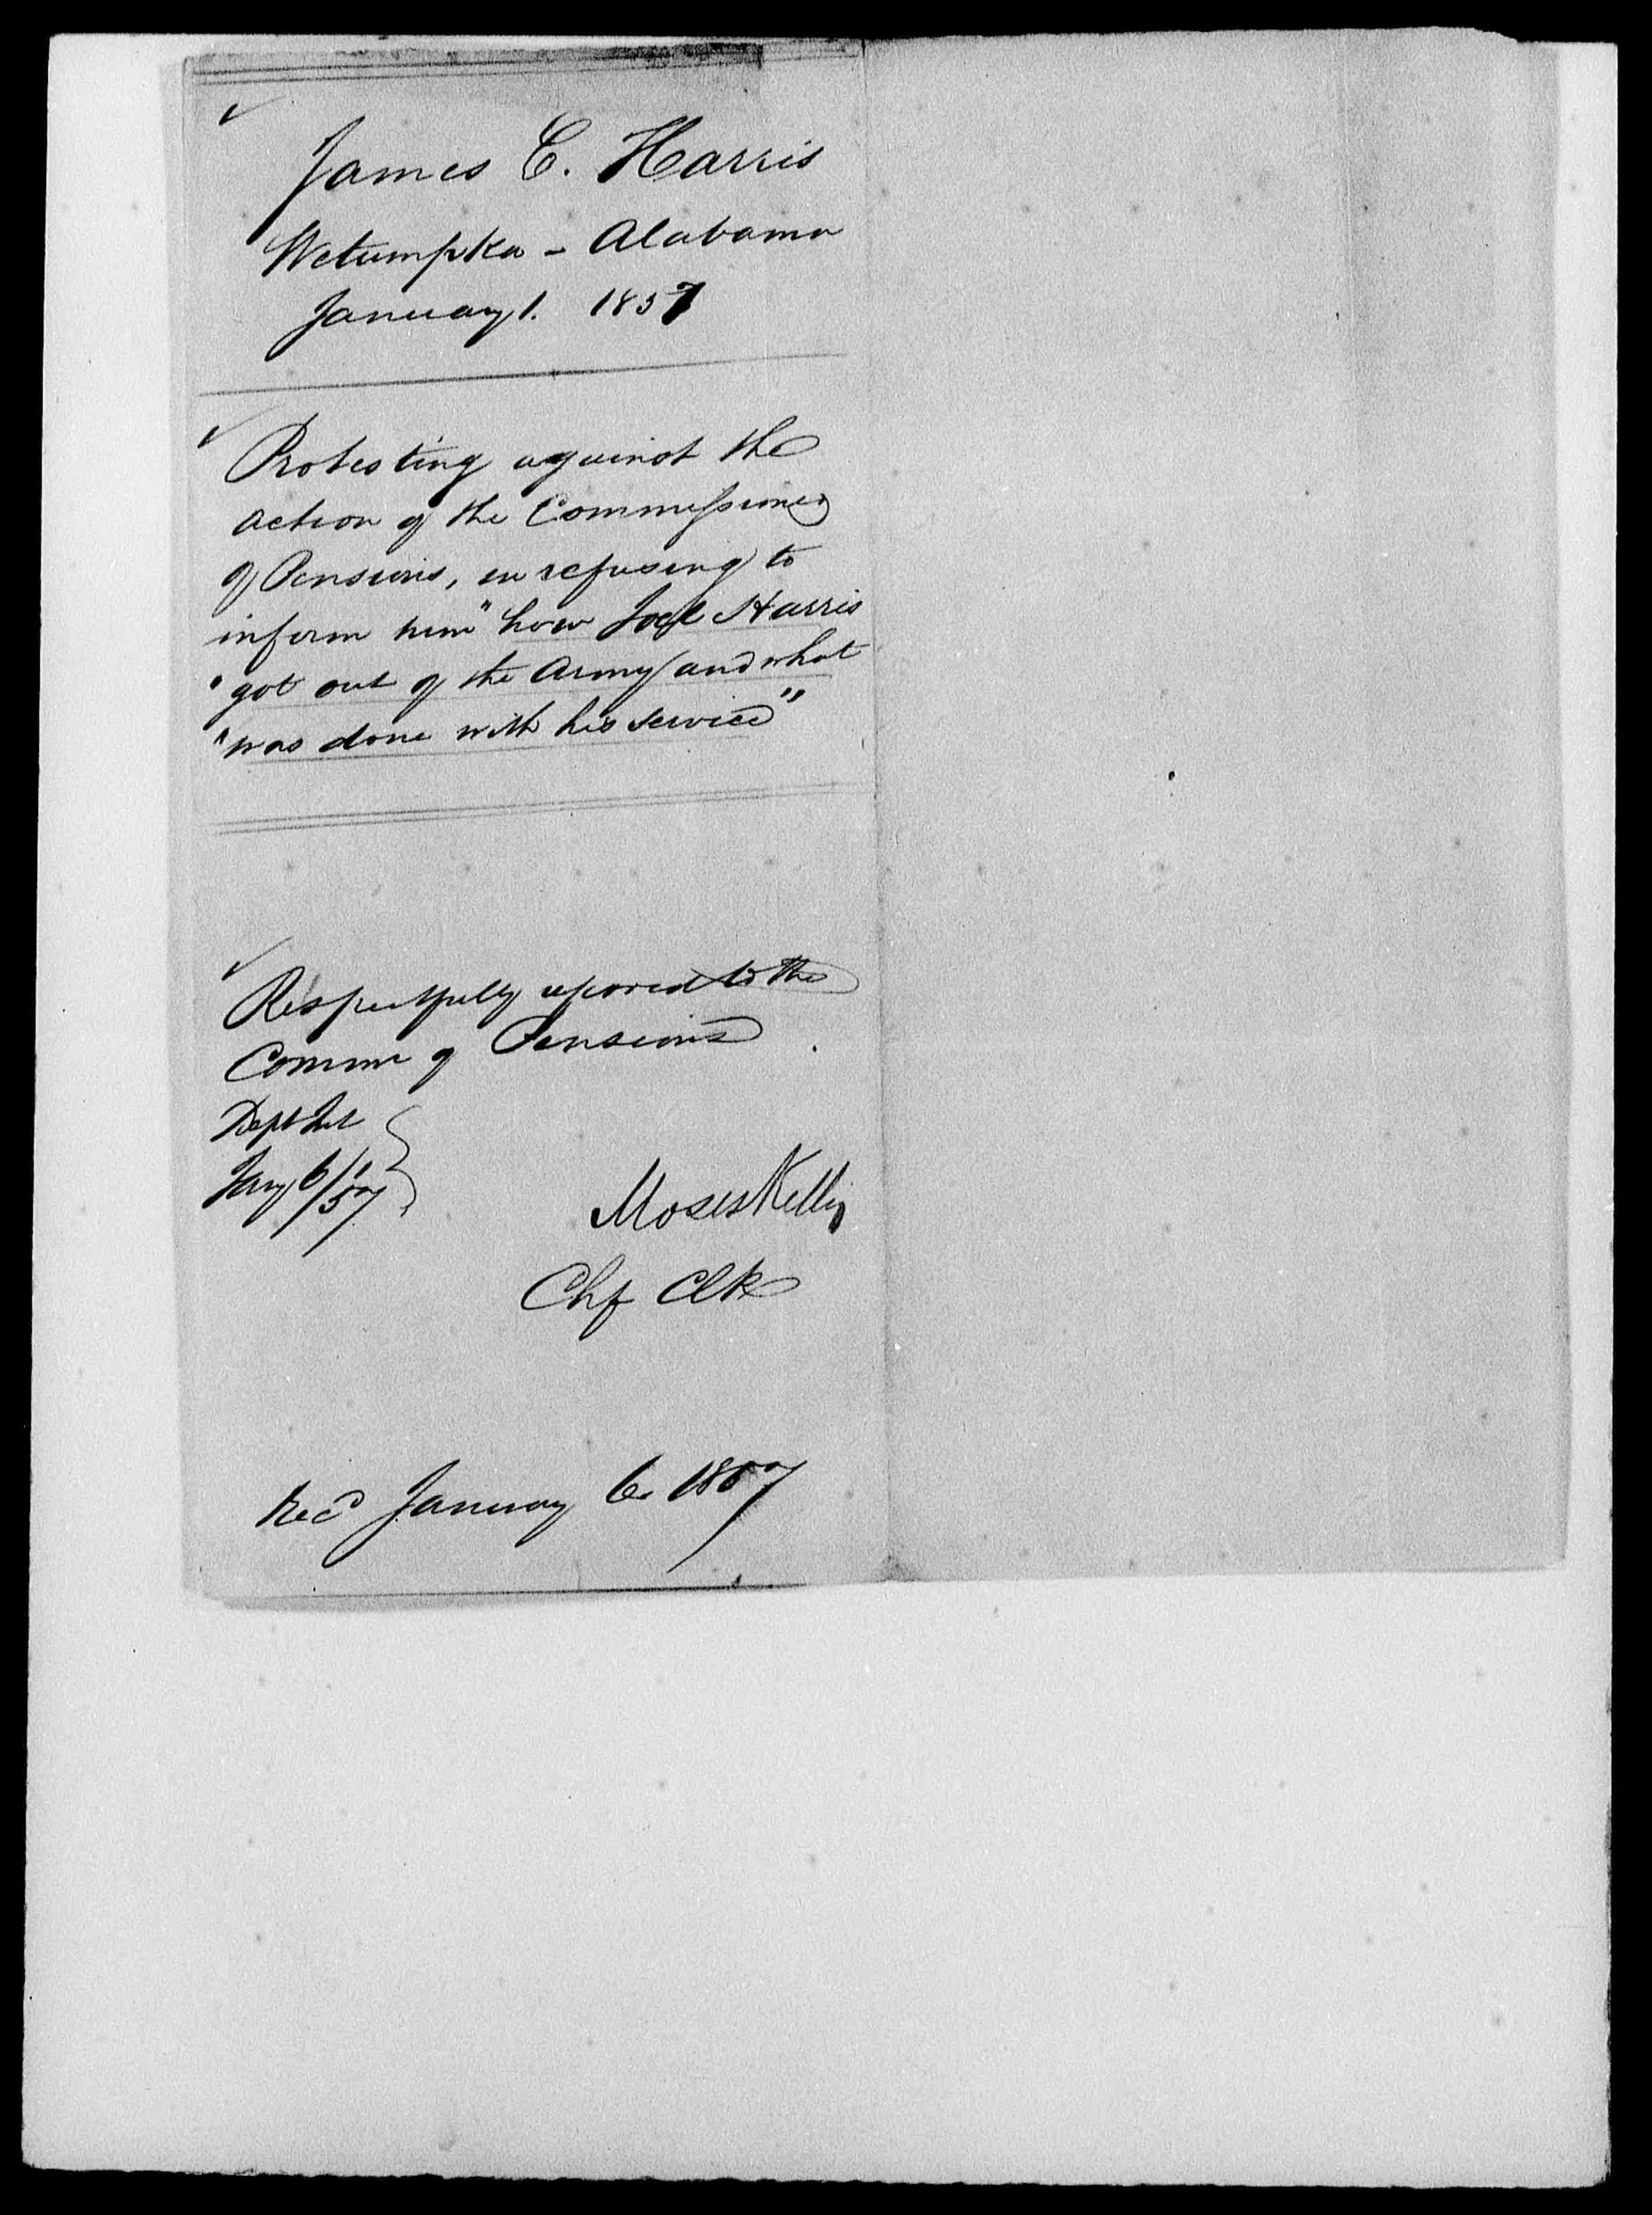James C. Harris
Wetumpka Alabama
January 1, 1857
_____

Protesting against the action of the Commissioner of Pensions, in refusing to inform his "how Joel Harris got out of the Army and what was done with his service"

_____

Respectfully referred to the Commr of Pensions
Dept [?]
Jan 6/'57

         Moses Kelly
Chf Clk

Recd January 6, 1857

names: Joel Harris, James C Harris, Moses Kelly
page: 24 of 160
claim: rejected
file: R. 4666, James Harris, Va.